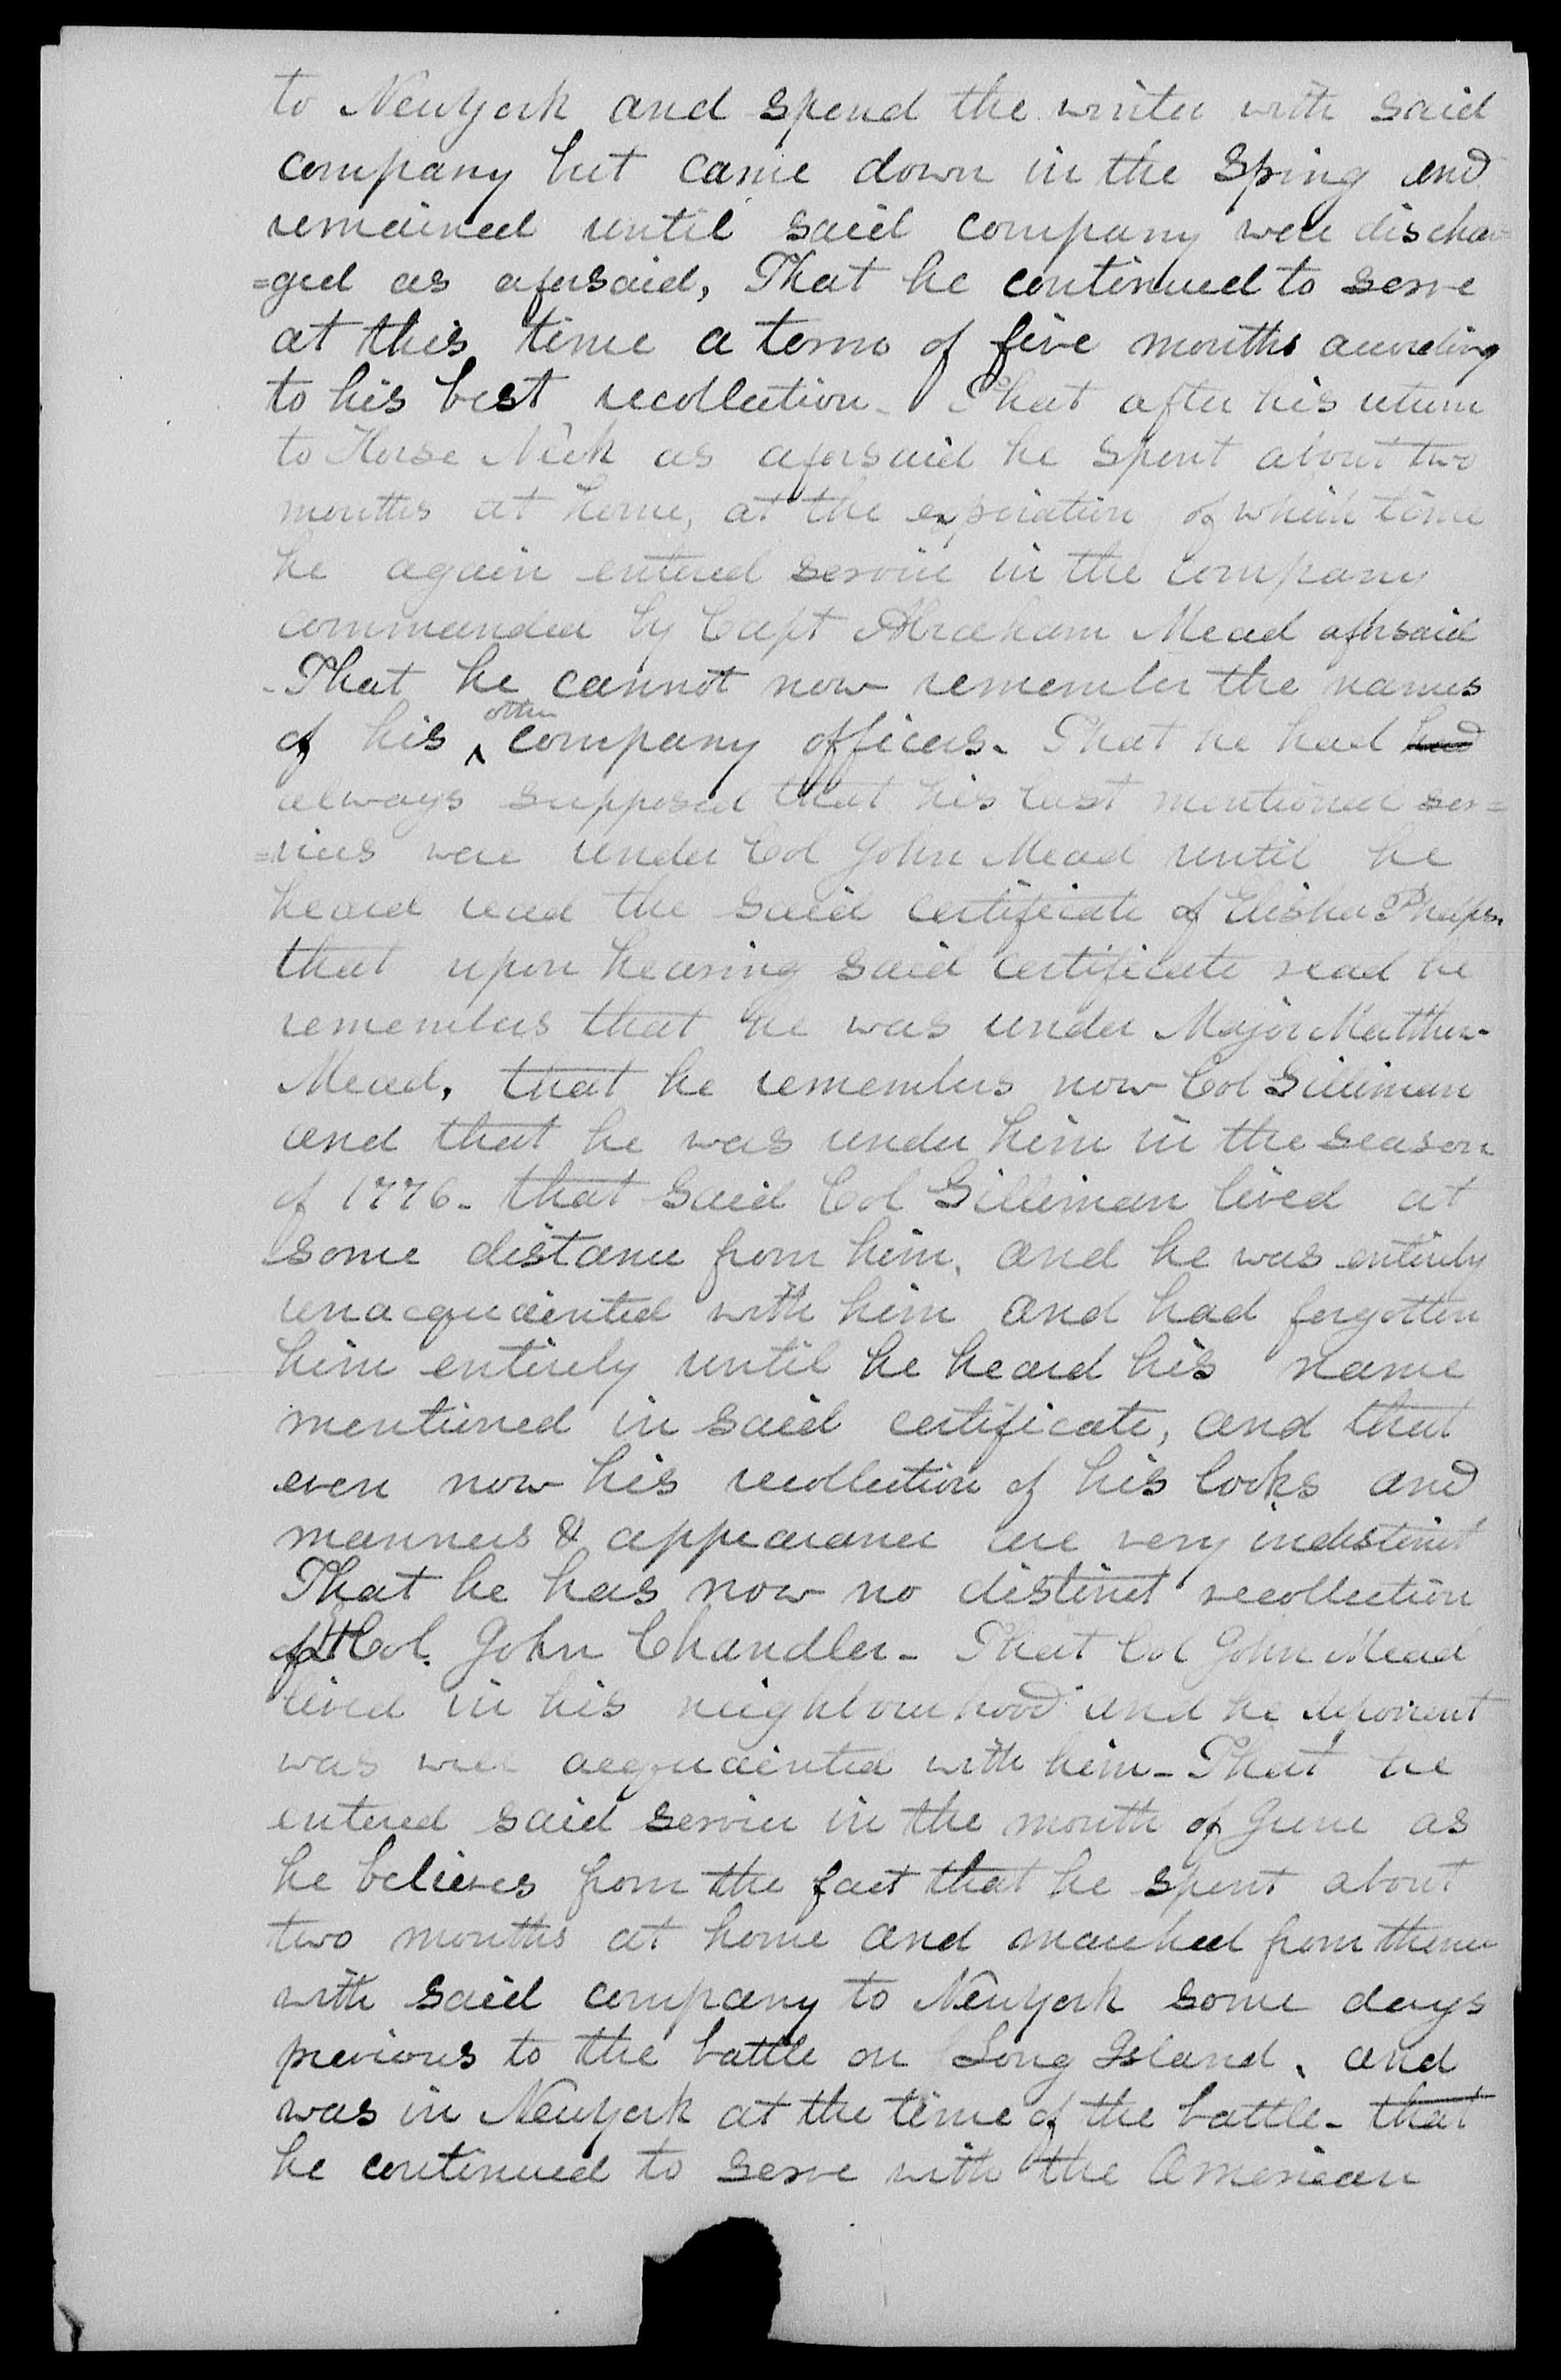to New York and spend the winter with said company but came down in the spring and remained until said company were discharged as aforesaid, That he continued to serve at this time a term of five months according to his best recollection. That after his return to Horse Neck as aforesaid he spent about two months at home, at the expiration of which time he again entered service in the company commanded by Capt Abraham Mead aforesaid That he cannot now remember the names of his other company officers. That he had [had] always supposed that his last mentioned services were under Col John Mead until he heard read the said certificate of Elisha Phelps that upon hearing said certificate read he remembers that he was under Major Matthew Mead, that he remembers now Col Silliman and that he was under him in the season of 1776. that said Col Silliman lived at some distance from him, and he was entirely unacquainted with him and had forgotten him entirely until he heard his name mentioned in said certificate, and that even now his recollection of his looks and manners & appearance are very indistinct That he has now no distinct recollection of Lt Col. John Chandler - That Col John Mead lived in his neighborhood and he deponent was well acquainted with him. That he entered said service in the month of June as he believes from the fact that he spent about two months at home and marched from thence with said company to New York some days previous to the battle on Long Island, and was in New York at the time of the battle - that he continued to serve with the American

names: Abraham Mead, John Mead, John Mead, Elisha Phelps, Silliman, Matthew Mead, Silliman, John Chandler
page: 29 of 35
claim: survivor's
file: S. 28727, Abraham Finch, Conn.